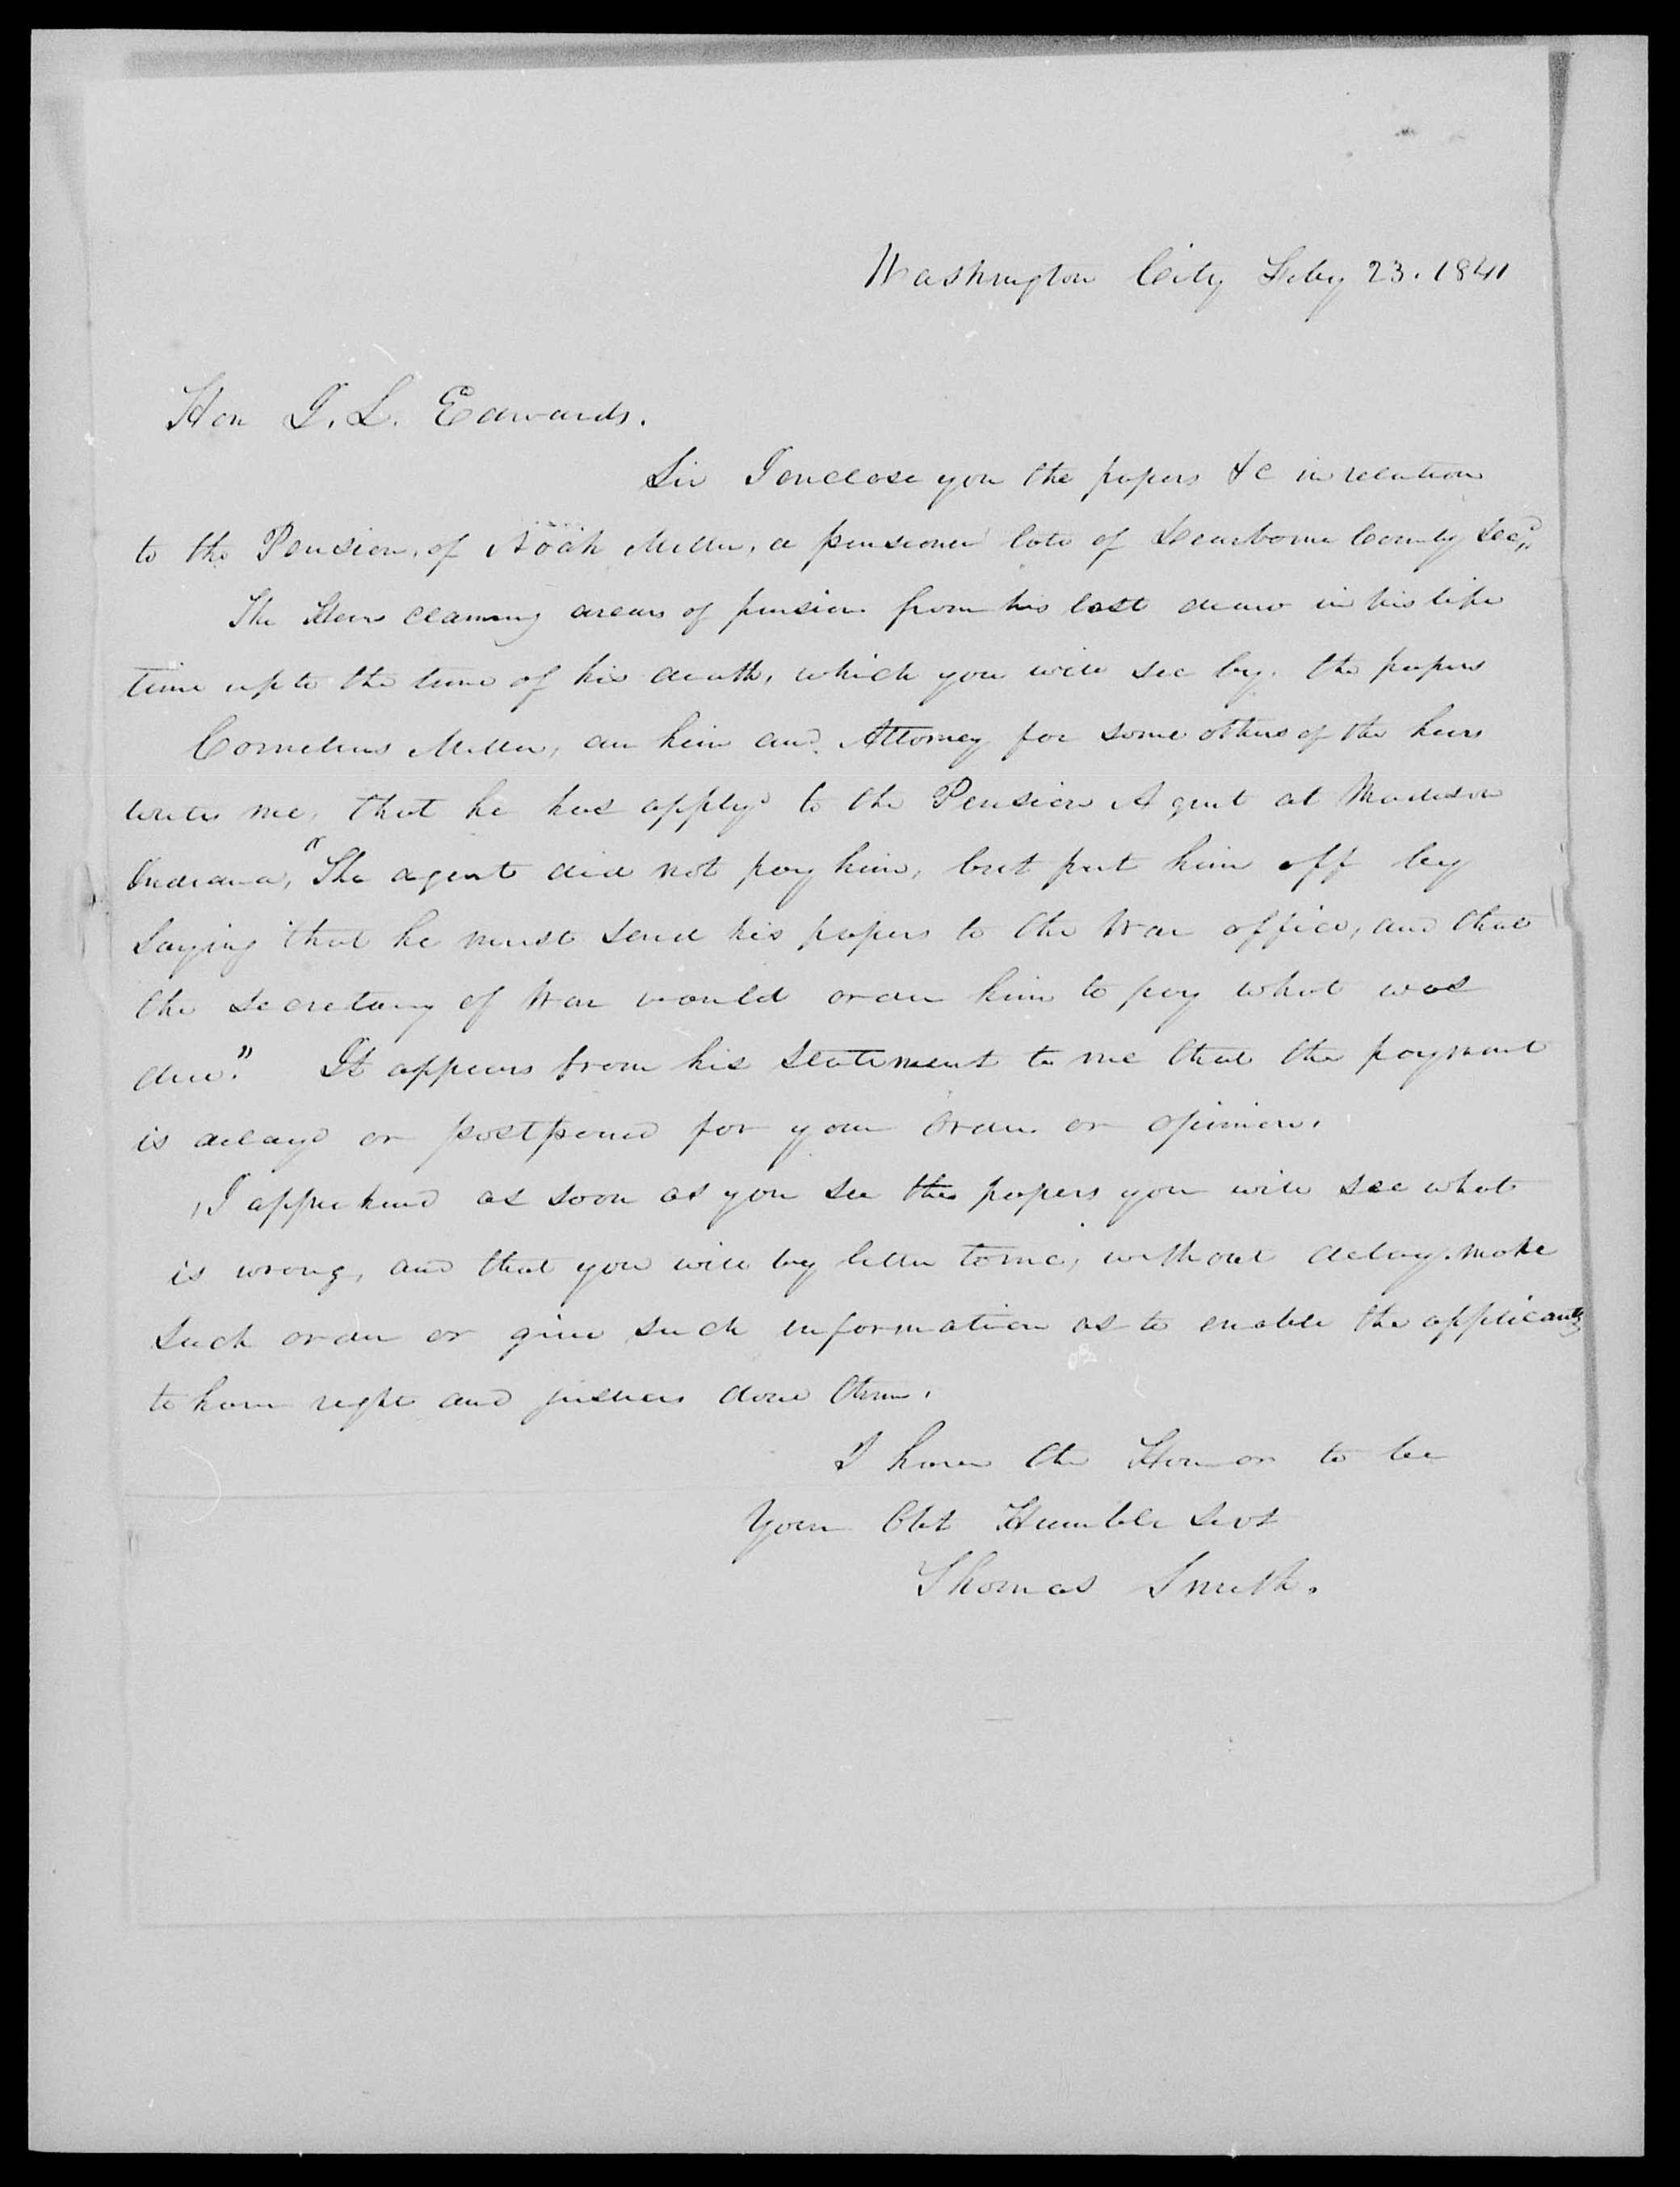Washington City Feby 23, 1841

Hon. J.L. Edwards,
Sir I enclose you the papers & instruction to the pension of Noah Miller, a Pensioner late of Dearborn County dec'd.

The heirs claiming arrears of pension from his last drawn in his lifetime up to the time of his death, which you will see by the papers Cornelius Miller, an heir and attorney for some others of the heirs writes me that he had applied to the Pension Agent at Madison Indiana " the agent did to pay him , but put him off by saying that he must send his papers to the War office, and that he secretary of War would order him to pay what was due".  It appears from his statement to me that he payment is delayed or postponed for your brain or opinion.

I assume as soon as you see the papers you will see what is wrong and that you will by letter to me, without delay make such order to give such information as to enable the applicant to have right and further draw them.

I have the honor to be your most Humble Svt.
Thomas Smith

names: Noah Miller; Cornelius Miller; J L Edwards; Thomas Smith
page: 11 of 20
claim: survivor's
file: S. 36129, for Noah Miller, New Jersey